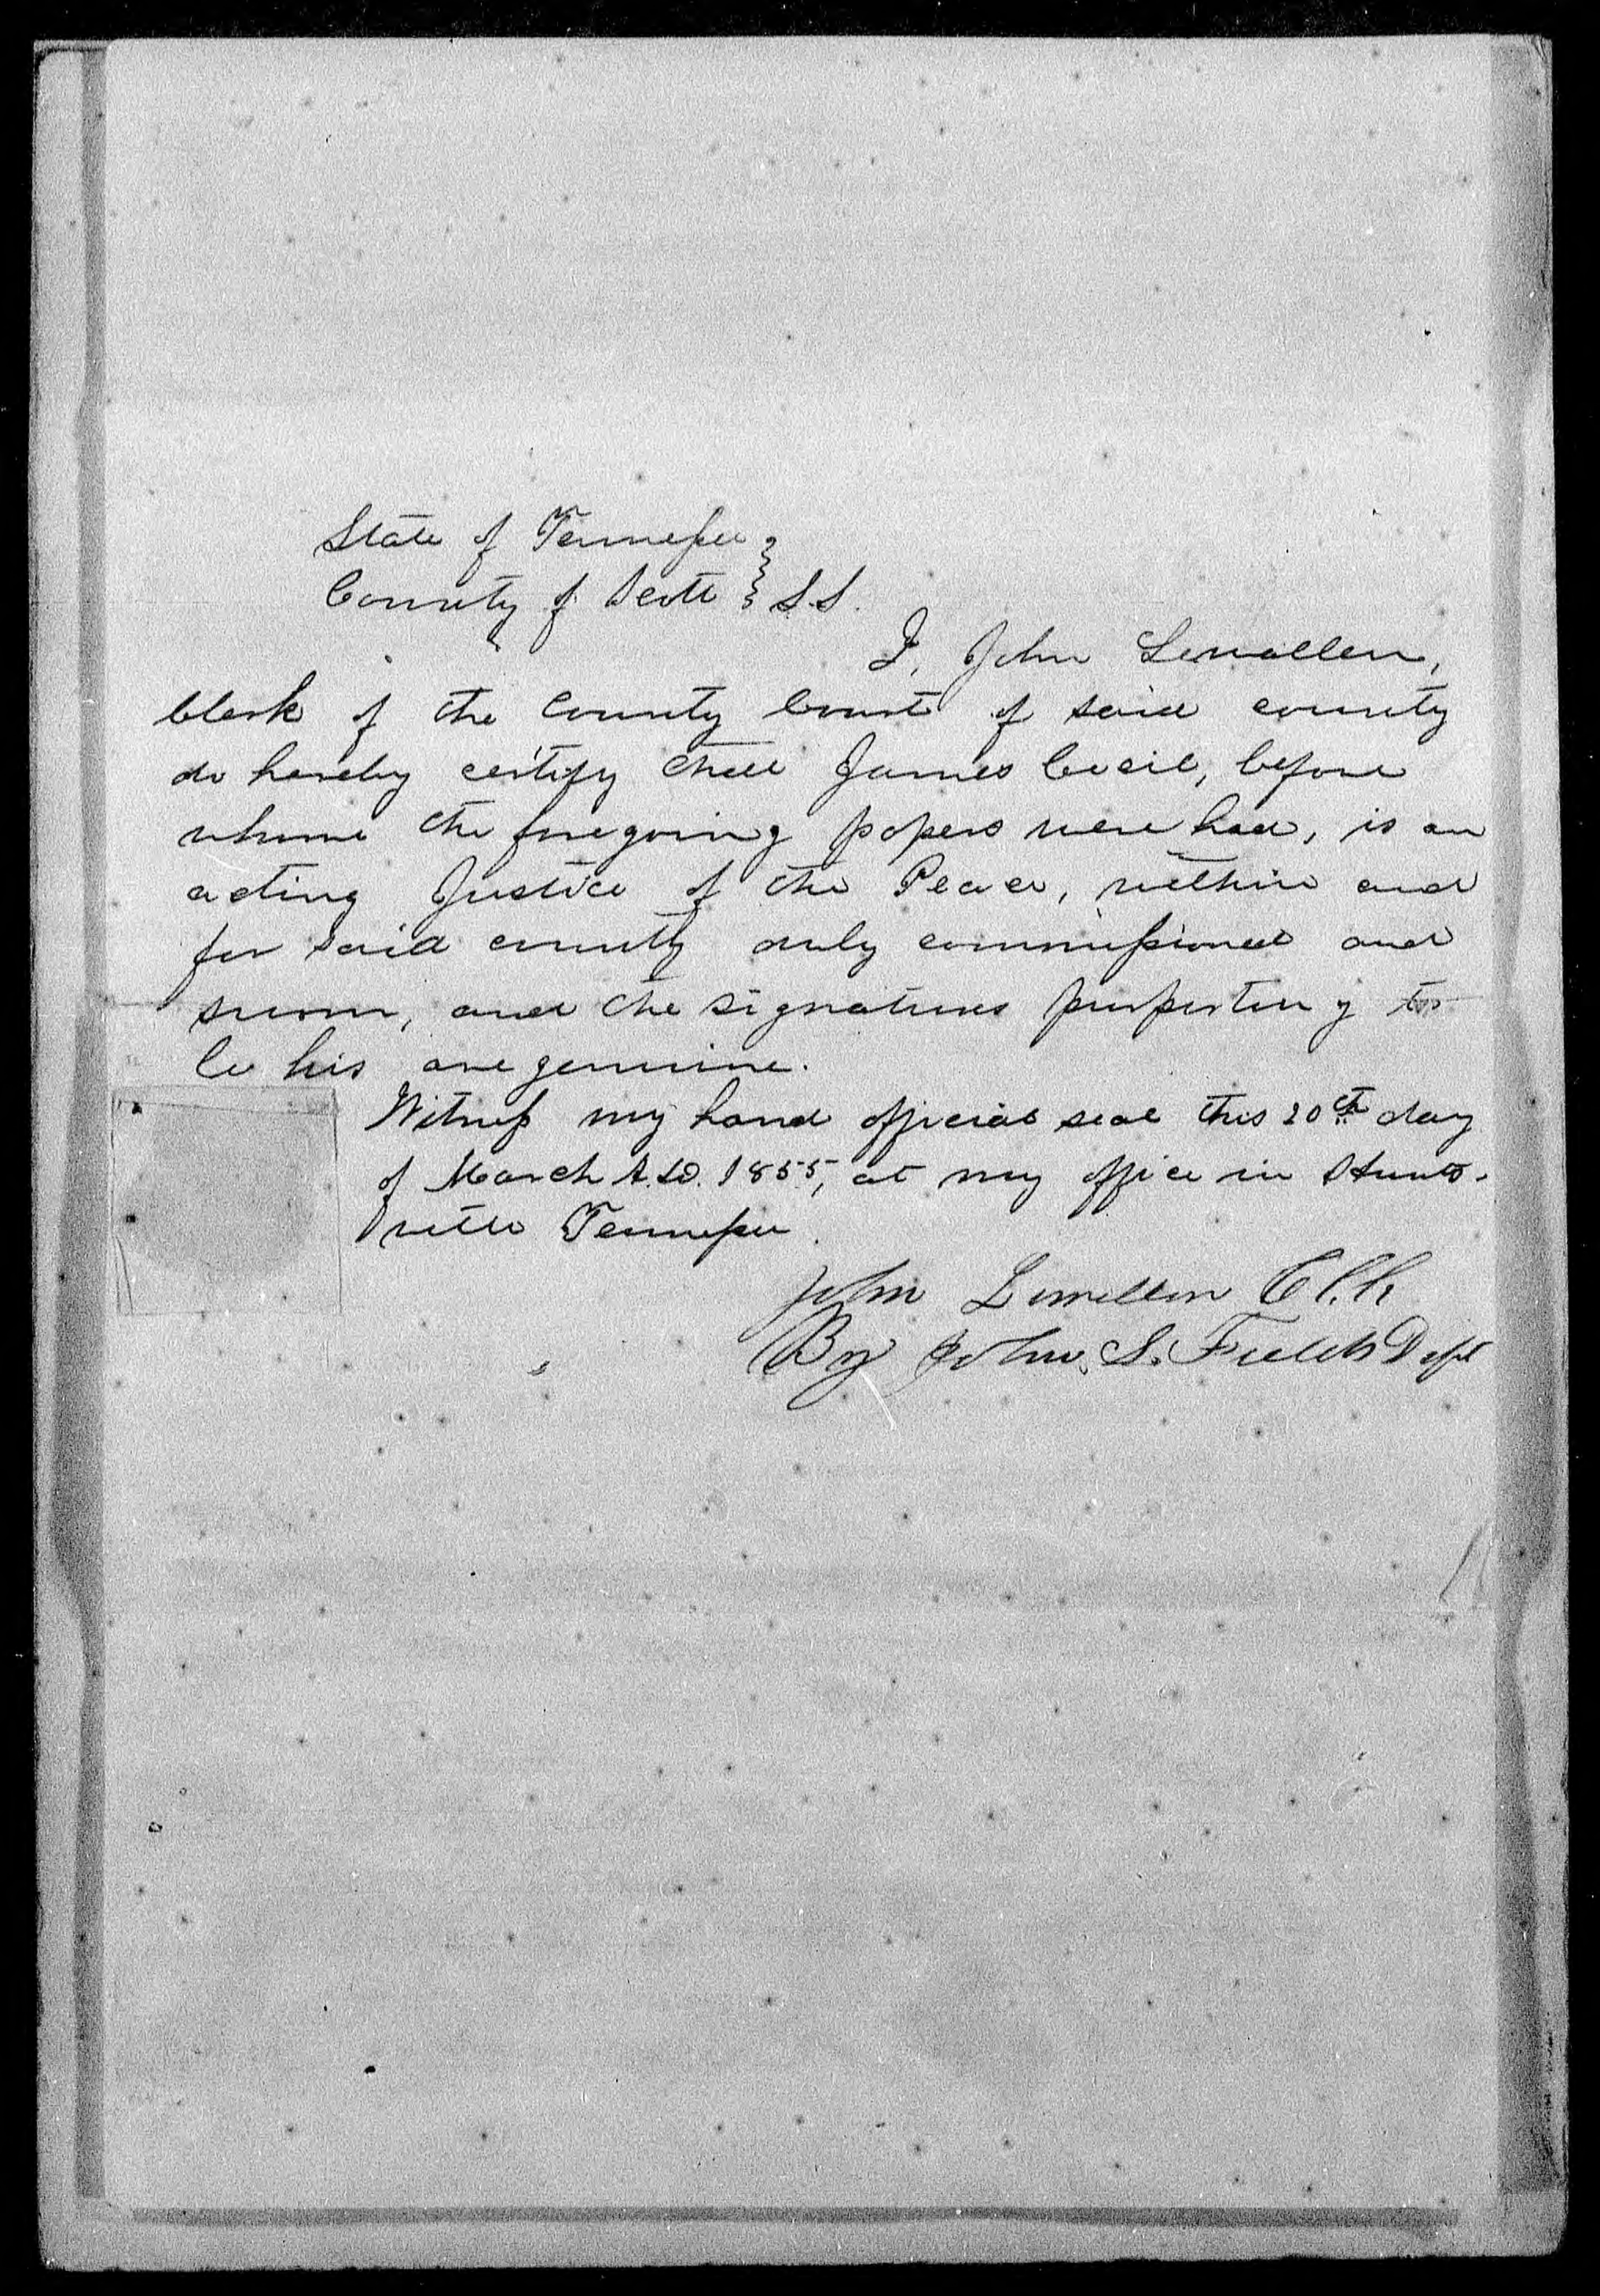State of Tennessee
County of Scott.      }ss
I John Lewallen, Clerk of the County Court of said county do hereby certify that James Cecill, before whom the foregoing papers were had, is an acting Justice of the Peace, within and for said county duly commissioned and sworn and the signatures purporting to be his are genuine.
Witness my hand official seal this 20th day of March A.D. 1855, at my office in Huntsville Tennessee.
John Lewellen Clk
By John S. Fields Dept.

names: John S Fields, James Cecil, John Lewallen, John Lewellen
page: 9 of 74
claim: widow's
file: W. 5, Joseph Hatfield, Va.